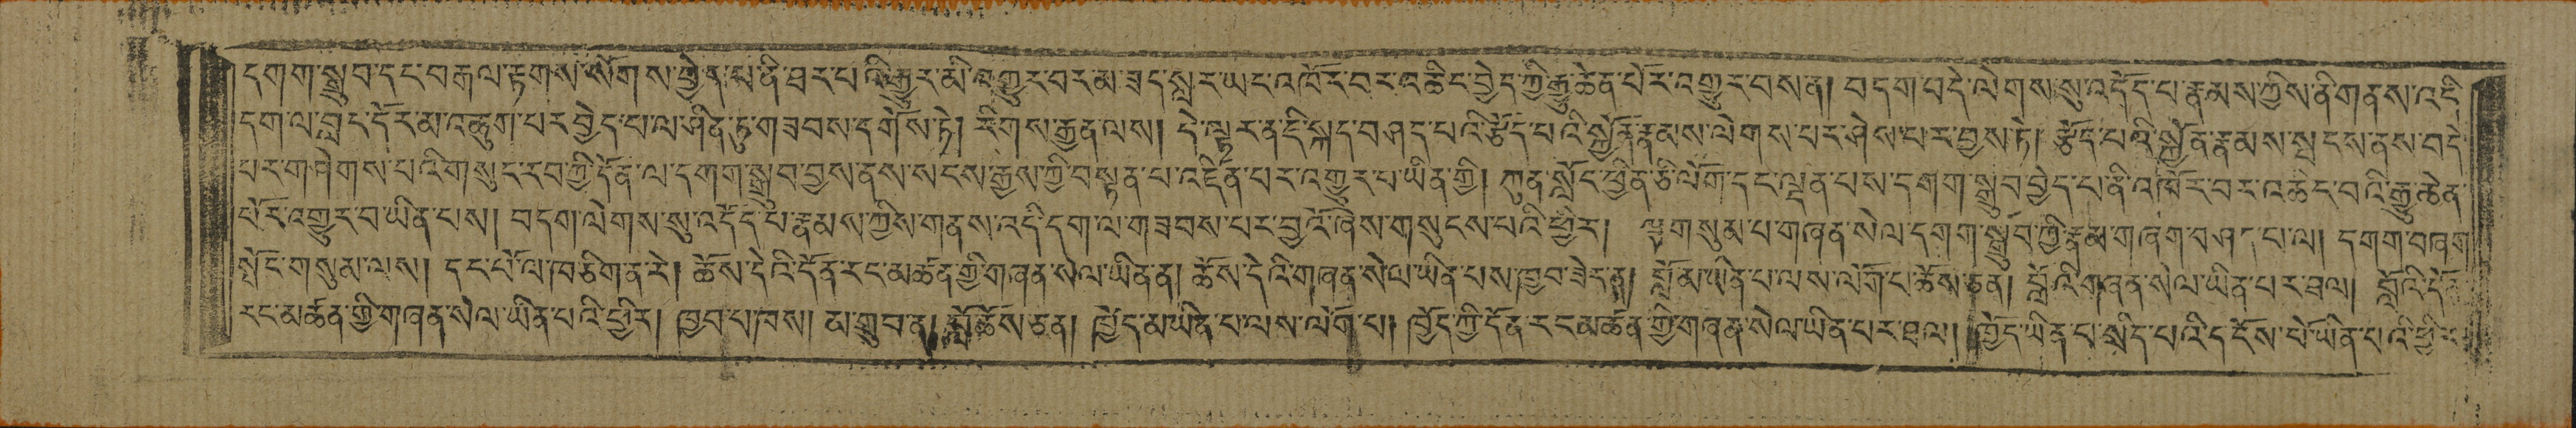དགག་སྒྲུབ་དང་བརྒལ་རྟགས་སོགས་བྱེད་པ་ནི་ཐར་པའི་རྒྱུར་མི་འགྱུར་བར་མ་ཟད་སླར་ཡང་འཁོར་བར་འཆིང་བྱེད་ཀྱི་རྒྱུ་ཆེན་པོར་འགྱུར་བས་ན། བདག་བདེ་ལེགས་སུ་འདོད་པ་རྣམས་ཀྱིས་ནི་གནས་འདི་
དག་ལ་བླང་དོར་མ་འཆུག་པར་བྱེད་པ་ལ་ཤིན་ཏུ་གཟབས་དགོས་ཏེ། རིགས་རྒྱན་ལས། དེ་ལྟར་ན་ཇི་སྐད་བཤད་པའི་རྩོད་པའི་སྐྱོན་རྣམས་ལེགས་པར་ཤེས་པར་བྱས་ཏེ། རྩོད་པའི་སྐྱོན་རྣམས་སྤངས་ནས་བདེ་
པར་གཤེགས་པའི་གསུང་རབ་ཀྱི་དོན་ལ་དགག་སྒྲུབ་བྱས་ནས་སངས་རྒྱས་ཀྱི་བསྟན་པ་འཛིན་པར་འགྱུར་པ་ཡིན་གྱི། ཀུན་སློང་ཕྱིན་ཅི་ལོག་དང་ལྡན་པས་དགག་སྒྲུབ་བྱེད་པ་ནི་འཁོར་བར་འཆིང་བའི་རྒྱུ་ཆེན་
པོར་འགྱུར་བ་ཡིན་པས། བདག་ལེགས་སུ་འདོད་པ་རྣམས་ཀྱིས་གནས་འདི་དག་ལ་གཟབས་པར་བྱའོ་ཞེས་གསུངས་པའི་ཕྱིར། ༈ གསུམ་པ་གཞན་སེལ་དགག་སྒྲུབ་ཀྱི་རྣམ་གཞག་བཤད་པ་ལ། དགག་བཞག་
སྤོང་གསུམ་ལས། དང་པོ་ལ་ཁ་ཅིག་ན་རེ། ཆོས་དེའི་དོན་རང་མཚན་གྱི་གཞན་སེལ་ཡིན་ན། ཆོས་དེའི་གཞན་སེལ་ཡིན་པས་ཁྱབ་ཟེར་ན། བློ་མ་ཡིན་པ་ལས་ལོག་པ་ཆོས་ཅན། བློའི་གཞན་སེལ་ཡིན་པར་ཐལ། བློའི་དོན་
རང་མཚན་གྱི་གཞན་སེལ་ཡིན་པའི་ཕྱིར། ཁྱབ་པ་ཁས། མ་གྲུབ་ན། བློ་ཆོས་ཅན། ཁྱོད་མ་ཡིན་པ་ལས་ལོག་པ། ཁྱོད་ཀྱི་དོན་རང་མཚན་གྱི་གཞན་སེལ་ཡིན་པར་ཐལ། ཁྱོད་ཡིན་པ་སྲིད་པའི་དངོས་པོ་ཡིན་པའི་ཕྱིར།